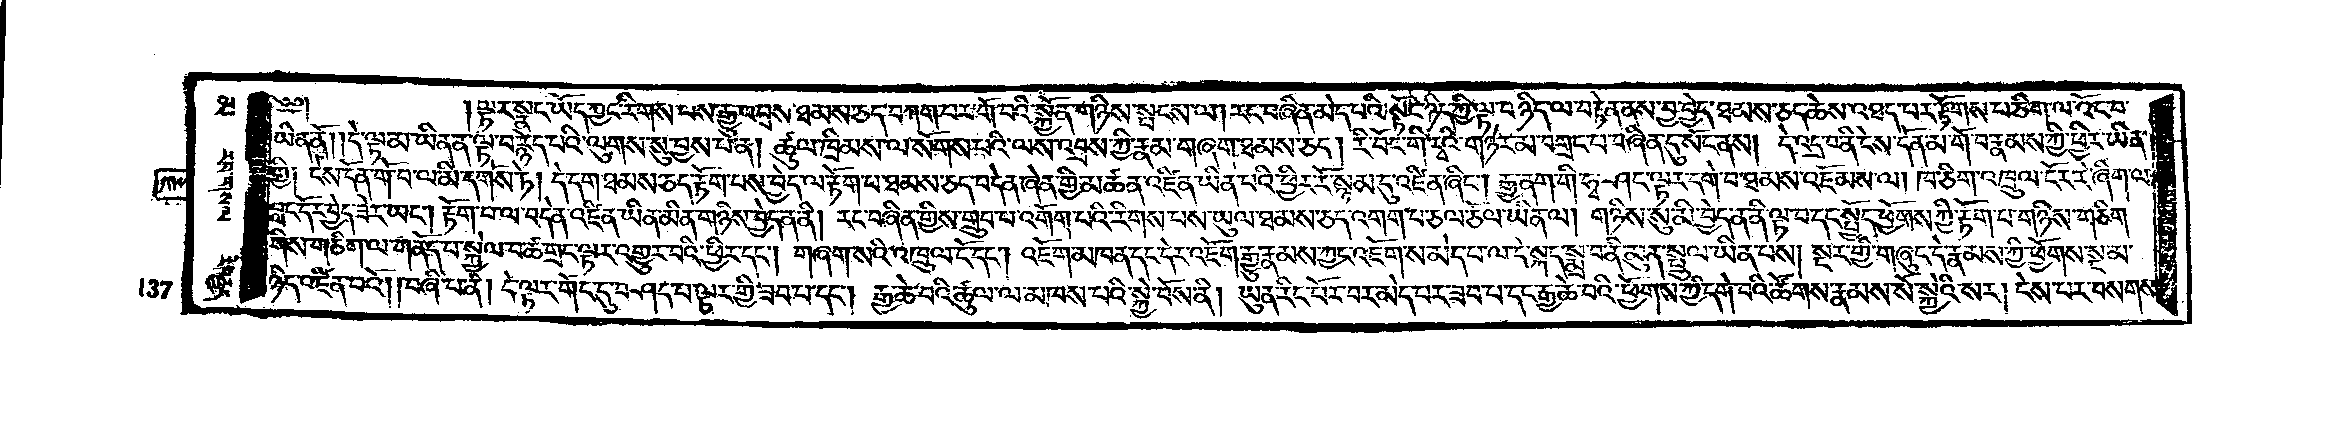༄༅། །ལྟར་སྣང་ཡོད་ཀྱང་རིགས་པས་རྒྱུ་འབྲས་ཐམས་ཅད་བཀག་པར་གོ་བའི་སྐྱོན་གཉིས་སྤངས་ལ། རང་བཞིན་མེད་པའི་སྟོང་ཉིད་ཀྱི་ལྟ་བ་ཉིད་ལ་བརྟེན་ནས་བྱ་བྱེད་ཐམས་ཅད་ཆེས་འཐད་པར་རྟོགས་པ་ཞིག་ལ་འོང་བ་
ཡིན་ནོ། །དེ་ལྟ་མ་ཡིན་ན་ལྟ་བ་རྙེད་པའི་ལུགས་སུ་བྱས་པ་ན། ཚུལ་ཁྲིམས་ལ་སོགས་པའི་ལས་འབྲས་ཀྱི་རྣམ་གཞག་ཐམས་ཅད། རི་བོང་གི་རྭའི་གཉེར་མ་བགྲང་པ་བཞིན་དུ་སོང་ནས། དེ་འདྲ་བ་ནི་ངེས་དོན་མ་གོ་བ་རྣམས་ཀྱི་ཕྱིར་ཡིན་
གྱི། ངེས་དོན་གོ་བ་ལ་མི་དགོས་ཏེ། དེ་དག་ཐམས་ཅད་རྟོག་པས་བྱེད་ལ་རྟོག་པ་ཐམས་ཅད་བདེན་ཞེན་གྱི་མཚན་འཛིན་ཡིན་པའི་ཕྱིར་རོ་སྙམ་དུ་འཛིན་ཞིང་། རྒྱ་ནག་གི་ཧྭ་ཤང་ལྟར་དགེ་བ་ཐམས་འཇོམས་ལ། ཁ་ཅིག་འཁྲུལ་ངོར་རེ་ཞིག་ལ་
བླང་དོར་བྱེད་ཟེར་ཡང་། རྟོག་པ་ལ་བདེན་འཛིན་ཡིན་མིན་གཉིས་བྱེད་ན་ནི། རང་བཞིན་གྱིས་གྲུབ་པ་འགོག་པའི་རིགས་པས་ཡུལ་ཐམས་ཅད་འགོག་པ་ཅལ་ཅོལ་ཡིན་ལ། གཉིས་སུ་མི་བྱེད་ན་ནི་ལྟ་བ་དང་སྤྱོད་ཕྱོགས་ཀྱི་རྟོག་པ་གཉིས་གཅིག་
གིས་གཅིག་ལ་གནོད་པ་སྐྱེལ་བ་ཚ་གྲང་ལྟར་འགྱུར་བའི་ཕྱིར་དང་། གཞག་སའི་འཁྲུལ་ངོ་དང་། འཇོག་མཁན་དང་དེར་འཇོག་རྒྱུ་རྣམས་ཀྱང་འཇོག་ས་མེད་པ་ལ་དེ་སྐད་སྨྲ་བ་ནི་མུན་སྤྲུལ་ཡིན་པས། སྔར་གྱི་གཞུང་དེ་རྣམས་ཀྱི་ཕྱོགས་སྔ་མ་
ཉིད་འཛིན་པའོ། །བཞི་པ་ནི། དེ་ལྟར་གོང་དུ་བཤད་པ་ལྟར་གྱི་ཟབ་པ་དང་། རྒྱ་ཆེ་བའི་ཚུལ་ལ་མཁས་པའི་སྐྱེ་བོས་ནི། ཡུན་རིང་པོར་བར་མེད་པར་ཟབ་པ་དང་རྒྱ་ཆེ་བའི་ཕྱོགས་ཀྱི་དགེ་བའི་ཚོགས་རྣམས་སོ་སྐྱེའི་སར། ངེས་པར་བསགས་